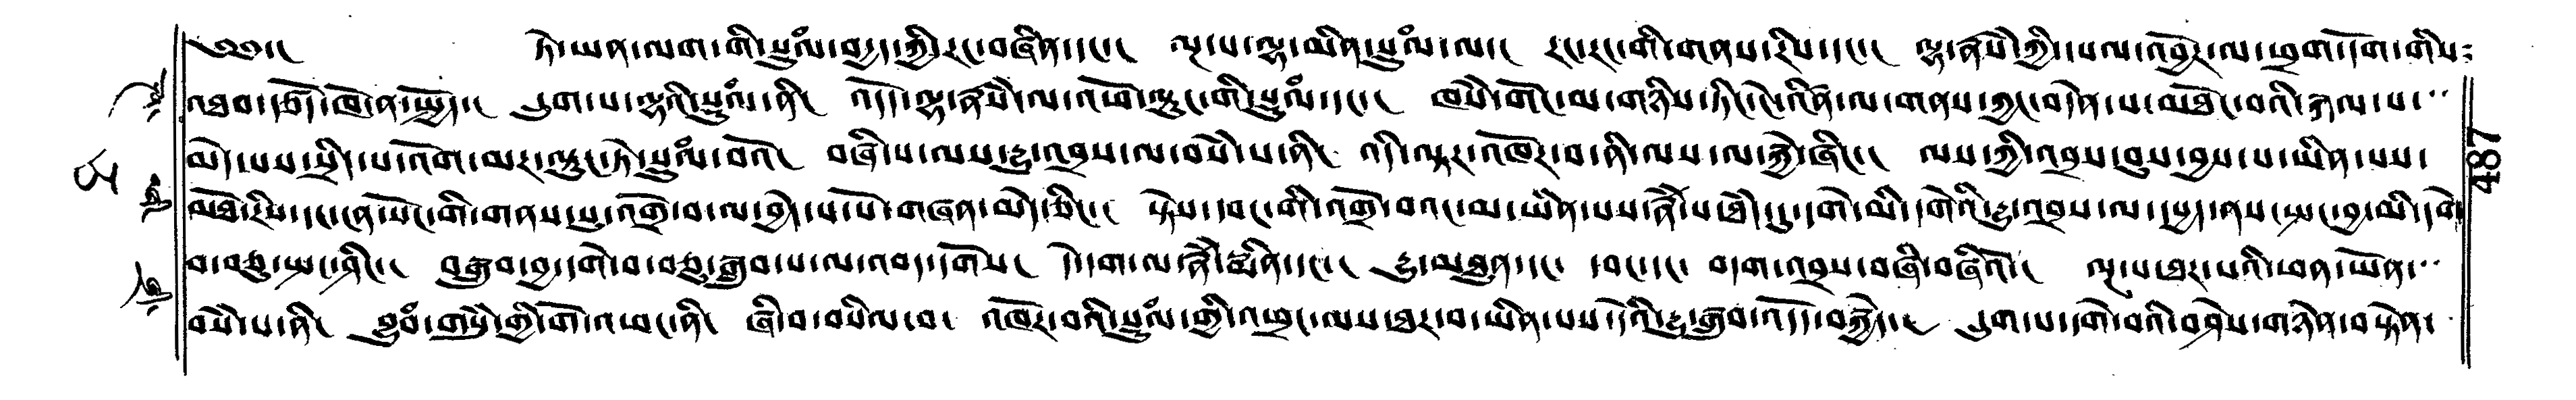སྟེ་ཡན་ལག་གི་སྡུག་བསྔལ་བརྒྱད་ཀྱི་རང་བཞིན་དང་། ལྔ་པ་ལྷ་མིན་སྡུག་བསྔལ་ལ། རང་རང་གི་གནས་རིས་དང་། ལྷ་རྣམས་ཀྱི་དཔལ་འབྱོར་ལ་ཕྲག་དོག་གིས་
འཐབ་རྩོད་ཁོ་ན་སྤྱོད། དྲུག་པ་ལྷའི་སྡུག་བསྔལ་ནི། འདོད་ལྷ་རྣམས་ལ་འཕོ་ལྟུང་གི་སྡུག་བསྔལ་དང་། ཁམས་གོང་མ་གཉིས་ཏིང་ངེ་འཛིན་ལ་གནས་ཀྱང་བདེན་པ་མཐོང་བའི་སྐལ་པ་
མེད་པས་སྲིད་པ་འོག་མར་ལྟུང་ཏེ་སྡུག་བསྔལ་བའོ། བཞི་པ་ལས་རྒྱུ་འབྲས་ལ་བསམ་པ་ནི། འདི་ལྟར་འཁོར་བ་ནི་ལས་ལ་སྐྱེ་ཞིང་། ལས་ཀྱི་འབྲས་བུས་བྱས་པ་ཡིན་པས་
མཐོ་རིས་དང་ངན་སོང་གི་གནས་སུ་འགྲོ་བ་ལ་བྱེད་པ་པོ་གཞན་མེད་ཅིང་། སྟེས་དབང་གི་འགྲོ་བའང་མ་ཡིན་པས་རྣམ་པ་ཐམས་ཅད་དུ་དགེ་མི་དགེའི་རྒྱུ་འབྲས་ལ་དཔྱད་ནས་སྤང་བྱ་མི་དགེ་
བ་བཅུ་སྤང་ཞིང་། བསྒྲུབ་བྱ་དགེ་བ་བཅུ་སྒྲུབ་པ་ལ་འབད་དགོས། དེ་དག་ལ་རྣམ་སྨིན་དང་། རྒྱུ་མཐུན་དང་། དབང་དང་། བདག་འབྲས་བཞི་བཞིའོ། ལྔ་པ་ཐར་པའི་ཕན་ཡོན་
བསམ་པ་ནི།བྱང་ཆུབ་གསུམ་གྱི་གོ་འཕང་ནི། ཞི་བ་བསིལ་བ། འཁོར་བའི་སྡུག་བསྔལ་གྱི་འཕྲང་ལས་ཐར་བ་ཡིན་པས་དེའི་རྒྱུ་སྒྲུབ་འདོད་བསྐྱེད། དྲུག་པ་དགེ་བའི་བཤེས་གཉེན་བསྟེན་